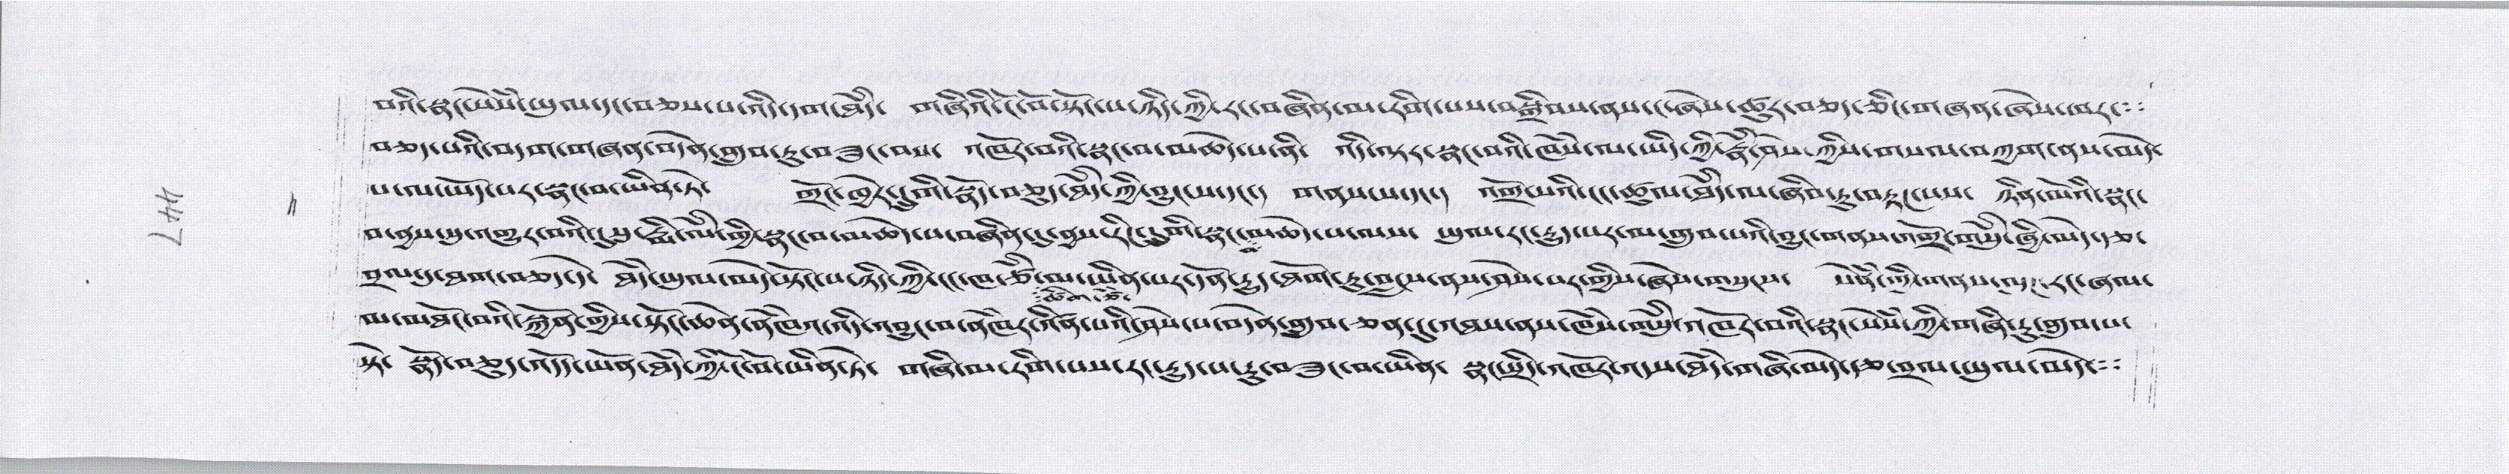བའི་སྣང་སེམས་ཡུལ་དང་བཅས་པ་འདི་དག་ཐམས་ཅད། གཞིའི་ངོ་བོ་སྟོང་པ་ཉིད་ཀྱི་རང་བཞིན་མ་རིག་པས་བསྒྲིབས་ནས་ང་ཞེས་ཚུར་བཅད་ཅིང་གཞན་ཞེས་པར་
བཅད་པའི་བདག་གཞན་བདེན་གྲུབ་ཏུ་བཟུང་བས་འཁོར་བའི་སྣང་བ་མཆེད་པ་ནི། འདི་ལྟར་སྣང་བའི་ཁམས་ལ་ཡིད་ཀྱི་རྣམ་ཤེས་ཀྱིས་གསལ་བཀྱག་ནས་མེད་
པ་ལ་ཡོད་པར་སྣང་བ་ཡིན་ཏེ། གྲོང་ཁྱེར་དྲུག་གི་སྣོད་བཅུད་ཐམས་ཅད་ཀྱི་བྱུང་ས་དང་། གནས་པ་དང་། འགྲོ་བའི་ངང་ཚུལ་ཐམས་ཅད་ལ་ཞིབ་ཏུ་བརྟགས་པས། ཉིན་མོའི་སྣང་
བ་གནས་སུ་འགྱུར་བའི་དུས་སུ་རྨི་ལམ་གྱི་སྣང་བ་མཆེད་པ་བཞིན་དུ་གནས་རིགས་དྲུག་གི་སྣང་བ་མཆེད་པ་ལས། ཡུལ་རང་རྒྱུད་དུ་མ་གྲུབ་པའི་བྱུང་གནས་འགྲོ་གསུམ་གཞི་མེད་རྩ་
བྲལ་དུ་ཐག་བཅད་དེ། ཐམས་ཅད་ཡུལ་མེད་སྟོང་པ་ཉིད་ཀྱི་ངང་ཁ་ཙམ་ཚིག་ཙམ་མ་ཡིན་པར་དོན་རྒྱུད་ཐོག་ཏུ་བླངས་ནས་ཤེས་པར་གྱིས་ཞེས་གསུངས། སེམས་ཅན་གྱི་གནས་ལུགས་རང་ཞལ་
མ་མཐོང་བའི་སྐྱོན་གྱིས་སྟོང་ཆེན་ནམ་མཁའ་འདི་འབྱུང་བ་ནམ་མཁར་འཛིན་པའི་ཤེས་པ་བདེན་གྲུབ་ཅན་དུ་འཐས་ནས་ཁམས་གསུམ་འཁོར་བའི་སྣང་སེམས་ཀྱི་གཞི་རུ་གྲུབ་པ་
སྟེ། སྣོད་བཅུད་འདོད་ཡོན་ཐམས་ཅད་ཀྱི་ངོ་བོ་ཡིན་ཏེ། གཞི་མ་རིག་པས་རང་རྒྱུད་པ་རུ་བཟུང་བ་ཡིན། སྣང་སྲིད་འཁོར་འདས་ཐམས་ཅད་གཞི་མེད་རྩ་བྲལ་ཡུལ་མེད་